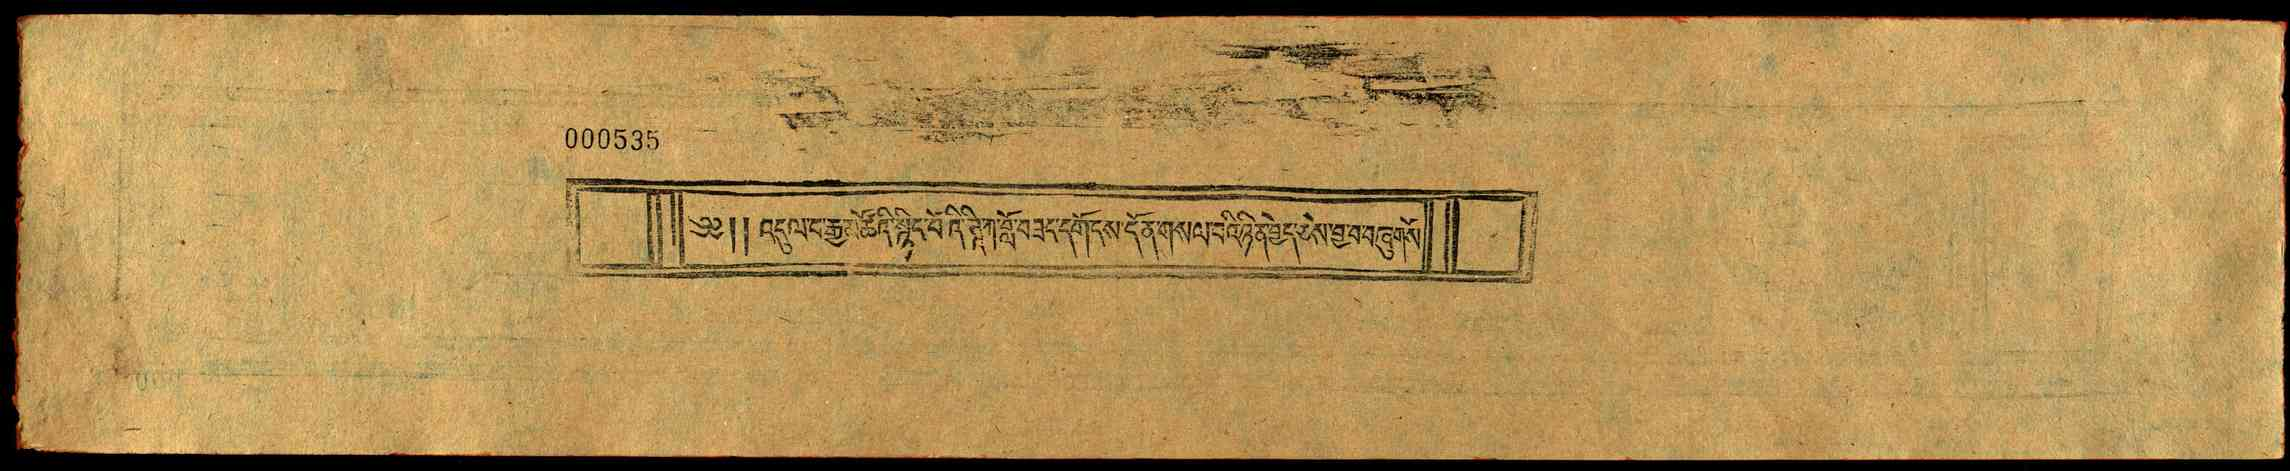༄༅། །འདུལ་བ་རྒྱ་མཚོའི་སྙིང་པོའི་ཊཱི་ཀྐ་བློ་བཟང་དགོངས་དོན་གསལ་བའི་ཉིན་བྱེད་ཅེས་བྱ་བ་བཞུགས་སོ།